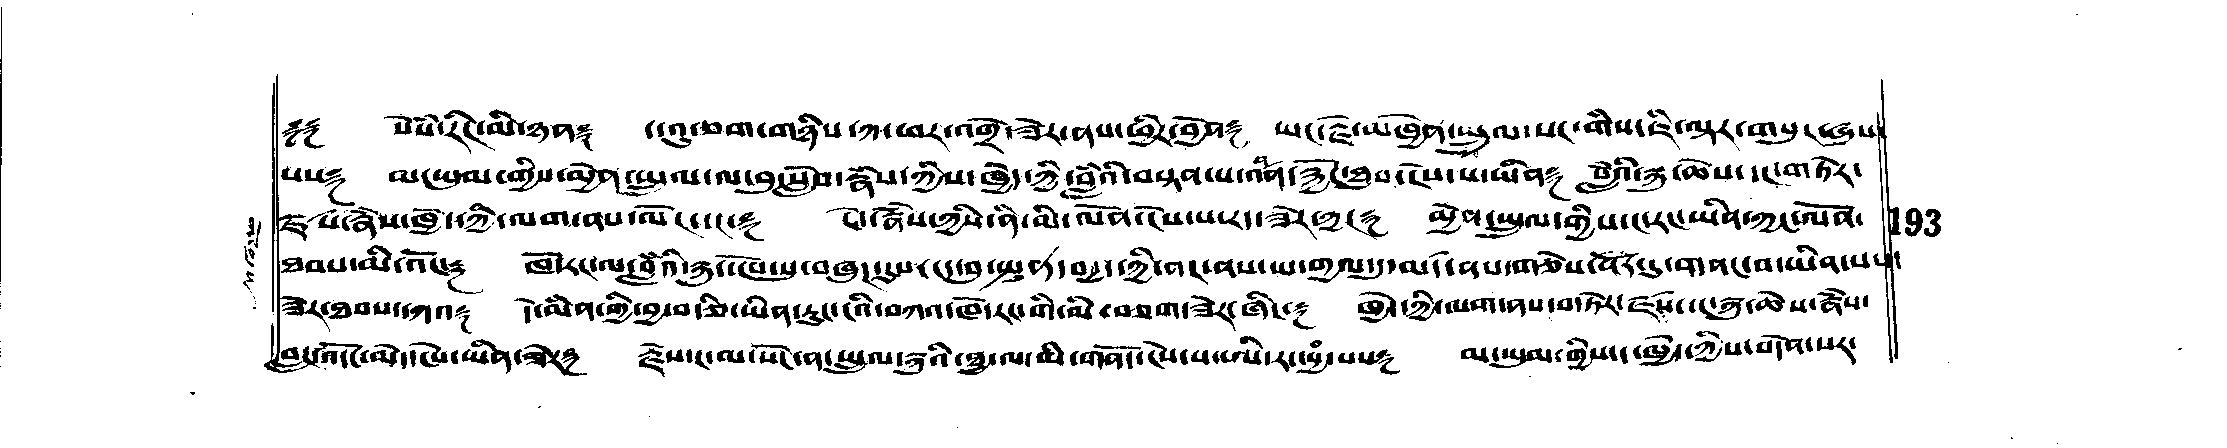སེམས་རིང་མི་ཉན། ད་འུ་ཅག་གཉིས་ཀ་ཕར་འགྲོ་ཟེར་ནས་ཕྱིར་བྱོན། ཡང་རྗེས་མཁྱེན་སྤྲུལ་སང་གིས་ཇི་ལྟར་གསུང་ཞུས་
པས། མ་ཡུམ་གྱིས་མཁྱེན་སྤྲུལ་ལ་བུ་སློབ་རྣམས་ཀྱིས་ཁྱེད་ཀྱི་བླ་མའི་བསྟན་པ་འཛིན་སྐྱོང་ཐུབ་ངེས་པ་ཡིན། བླ་མའི་སྐུ་ཆས་དང་གཏེར་
རྫས་རྣམས་ཁྱེད་ཀྱི་ལག་ནས་ལོང་དང་། ངེད་རྣམས་ཀྱིས་ནི་མི་ལོན་ངེས་པ་རེད་ཟེར་ཀྱང་། མཁྱེན་སྤྲུལ་གྱིས་ང་རང་ཡིན་ཀྱང་ལོན་
ཐབས་མི་འོང་། ཁོ་རང་ལ་བླ་མའི་སྐུ་དངོས་སུ་བཞུགས་པར་ངེད་བུ་སྤུན་བརྒྱད་ཀྱི་ནང་ནས་ཡ་གྱལ་དུ་མཛད་ནས་གཅེས་ནོར་དུ་གནང་བ་ཡིན་པས་
ཟེར་ཐབས་དཀའ། དེ་མིན་གྱི་བྱ་བ་ཅི་ཡིན་རུང་ངའི་བཀའ་ཁོ་རང་གི་མི་བཅག་ཟེར་ཞིང་། ཁྱེད་ཀྱི་ལག་ནས་གཏེར་རྫས་དང་སྐུ་ཆས་རྣམས་
བླང་འདོད་མེད་དངོས་ཡིན་ཟེར། རྗེས་ང་མ་སོང་ན་སྤྲུལ་སྐུ་ཐུགས་ལ་མི་གནོད་ངེས་པ་ཨི་རེད་གསུང་པས། མ་ཡུམ་གྱིས་ད་ཁྱོད་ཀྱིས་བདེན་པར་